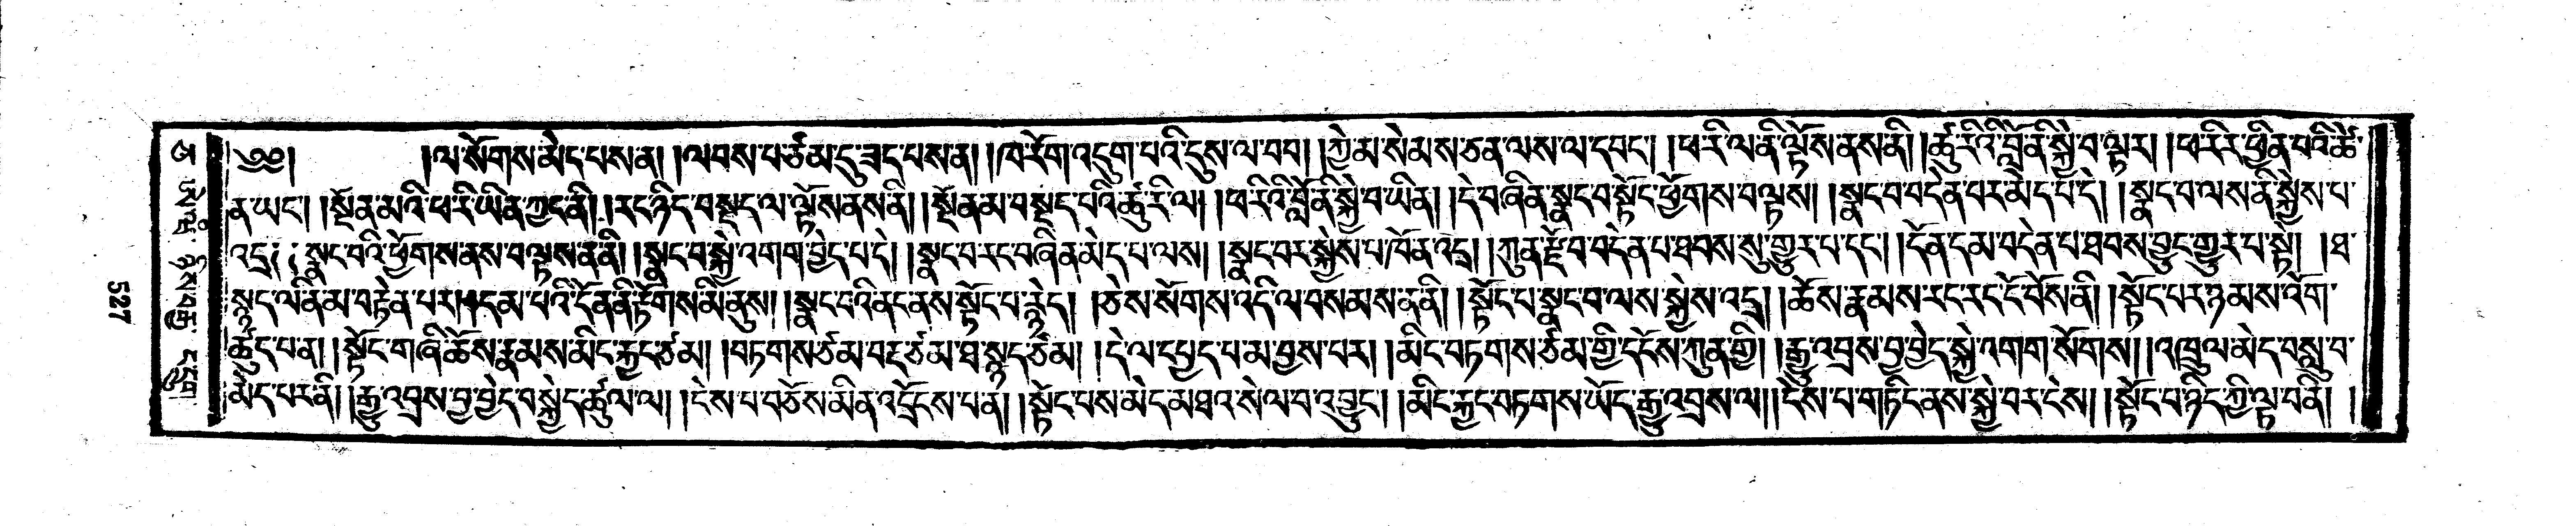༄༅། །ལ་སོགས་མེད་པས་ན། །ལབས་པ་ཙམ་དུ་ཟད་པས་ན། །ཁ་རོག་འདུག་པའི་དུས་ལ་བབ། །ཀྱེ་མ་སེམས་ཅན་ལས་ལ་དབང་། །ཕ་རི་ལ་ནི་ལྟོས་ནས་ནི། །ཚུ་རིའི་བློ་ནི་སྐྱེ་བ་ལྟར། །ཕ་རིར་ཕྲིན་པའི་ཚེ་
ན་ཡང་། །སྔན་མའི་ཕ་རི་ཡིན་ཀྱང་ནི། །རང་ཉིད་བསྡད་ལ་ལྟོས་ནས་ནི། །སྔན་མ་བསྡད་པའི་ཚུ་རི་ལ། །ཕ་རིའི་བློ་ནི་སྐྱེ་བ་ཡིན། །དེ་བཞིན་སྣང་བ་སྟོང་ཕྱོགས་བལྟས། །སྣང་བ་བདེན་པར་མེད་པ་དེ། །སྣང་བ་ལས་ནི་སྐྱེ་བ་
འདྲ༑ ༑སྣང་བའི་ཕྱོགས་ནས་བལྟས་ན་ནི། །སྣང་བ་སྐྱེ་འགག་བྱེད་པ་དེ། །སྣང་བ་རང་བཞིན་མེད་པ་ལས། །སྣང་བར་སྐྱེས་པ་ཁོ་ན་འདྲ། །ཀུན་རྫོབ་བདེན་པ་ཐབས་སུ་གྱུར་པ་དང་། །དོན་དམ་བདེན་པ་ཐམས་བྱུང་གྱུར་པ་སྟེ། །ཐ་
སྙད་ལ་ནི་མ་བརྟེན་པར། །དམ་པའི་དོན་ནི་རྟོགས་མི་དུས། །སྣང་བའི་ནང་ནས་སྟོང་པ་རྙེད། །ཅེས་སོགས་འདི་ལ་བསམས་ན་ནི། །སྟོང་པ་སྣང་བ་ལས་ཀྱེས་འདྲ། །ཆོས་རྣམས་རང་རང་ངོ་བོས་ནི། །སྟོང་པར་ཉམས་འོག་
ཆུད་པ་ན། །སྟོང་གཞི་ཆོས་རྣམས་མིང་རྐྱང་ཙམ། །བཏགས་ཙམ་བརྡ་ཙམ་ཐ་སྙད་ཙམ། །དེ་ལ་དཔྱད་པ་ལ་བྱས་པར། །མིང་བཏགས་ཙམ་གྱི་དངོས་ཀུན་གྱི། །རྒྱུ་འབྲས་བྱ་བྱེད་སྐྱེ་འགག་སོགས། །འཁྲུལ་མེད་བསླུ་བ་
མེད་པར་ནི། །རྒྱུ་འབྲས་བྱ་བྱེད་བསྐྱེད་ཚུལ་ལ། །ངེས་པ་བཅོས་མིན་འདྲོངས་པ་ན། །སྟོང་པས་མེད་མཐའ་སེལ་བ་འབྱུང་། །མིང་རྐྱང་བཏགས་ཡོད་རྒྱུ་འབྲས་ལ། །ངེས་པ་གཏིང་ནས་སྐྱེ་བར་ངེས། །སྟོང་པ་ཉིད་ཀྱི་ལྟ་བ་ནི། །